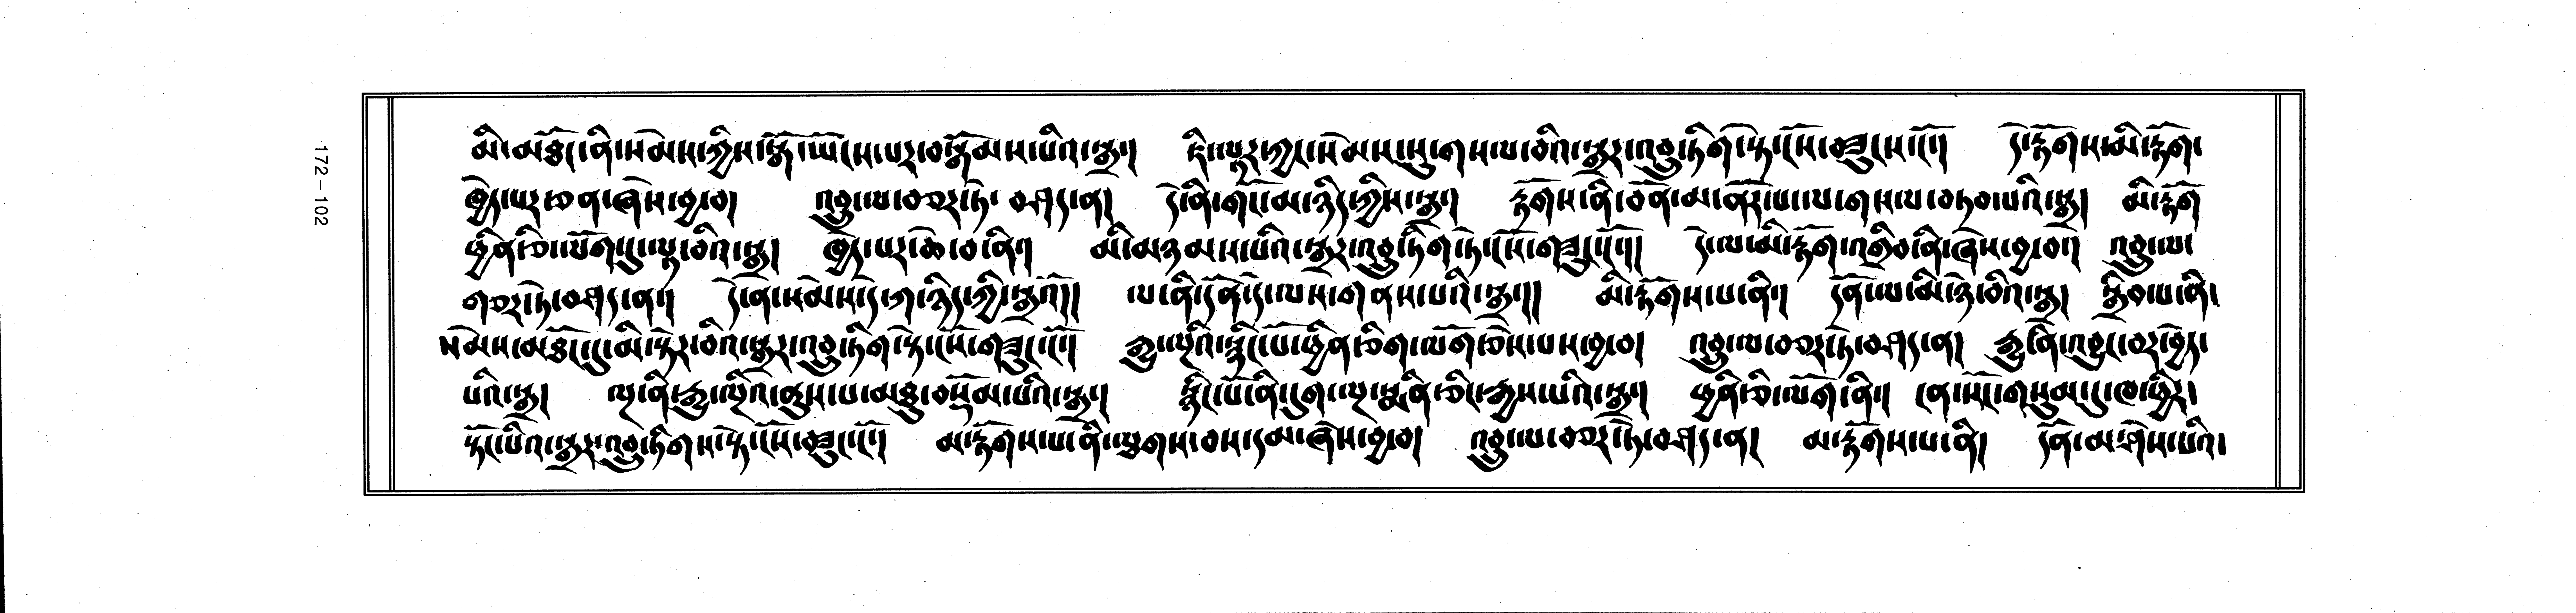མི་མཐོང་ནི་སེམས་ཀྱིས་སྒོ་ཡོངས་པར་བསྒོམས་པའི་སྒྲ། ཇི་ལྟར་ཀྱང་སེམས་སུ་གསལ་བའི་སྒྲར་འབྲུ་ཏིག་སྟེ་ངོས་བཟུང་ངོ་། དེ་རྟོགས་མི་རྟོགས་
ཁྱེད་པར་ཅན་ཞེས་བྱ་བ། འབྲུ་ལ་བཅར་ཏེ་བཤད་ན། དེ་ནི་གོང་མ་ཉིད་ཀྱིས་སྒྲ། རྟོགས་ནི་བོན་མ་ནོར་པ་ལ་གསལ་བཏབ་པའི་སྒྲ། མི་རྟོགས་
ཕྱིན་ཅི་ལོག་དུ་ལྟ་བའི་སྒྲ། ཁྱེད་པར་ཆེ་བ་ནི། མི་མཉམས་པའི་སྒྲར་འབྲུ་ཏིག་ཏེ་ངོས་གཟུང་ངོ་། དེ་ལ་མི་རྟོགས་འགྲིབ་ནི་ཞེས་བྱ་བ། འབྲུ་ལ་
གཅར་ཏེ་བཤད་ན། དེ་ན་སེམས་དེ་ཀ་ཉིད་ཀྱི་སྒྲའོ། ལ་ནི་དོན་དེ་ལས་གནས་པའི་སྒྲ། མི་རྟོགས་པ་ནི། དོན་ལ་མི་ཉེ་བའི་སྒྲ། སྒྲིབ་པ་ནི་
སེམས་མཐོང་དུ་མི་སྟེར་བའི་སྒྲར་འབྲུ་ཏིག་སྟེ་ངོས་གཟུང་ངོ་། རྒྱུ་ལྔའི་སྙིང་པོ་ཕྱིན་ཅི་ལོག་ཅེས་པས་བྱ་བ། འབྲུ་ལ་བཅར་ཏེ་བཤད་ན། རྒྱུ་ནི་འབྱུང་བར་བྱེད་
པའི་སྒྲ། ལྔ་ནི་རྒྱུ་ལྔའི་ནུས་པ་མཐུ་བསྡོམ་པའི་སྒྲ། སྙིང་པོ་ནི་དུག་ལྔ་སྨིན་ཅིང་རྒྱས་པའི་སྒྲ། ཕྱིན་ཅི་ལོག་ནི། ངན་སོང་གསུམ་དུ་ཁ་ཕྱིར་
སྟོང་པའི་སྒྲར་འབྲུ་ཏིག་སྟེ་ངོས་བཟུང་ངོ་། མ་རྟོགས་པ་ནི་ལྕགས་བས་དམ་ཞེས་བྱ་བ་། འབྲུ་ལ་བཅར་ཏེ་བཤད་ན། མ་རྟོགས་པ་ནི། དོན་མ་ཤེས་པའི་